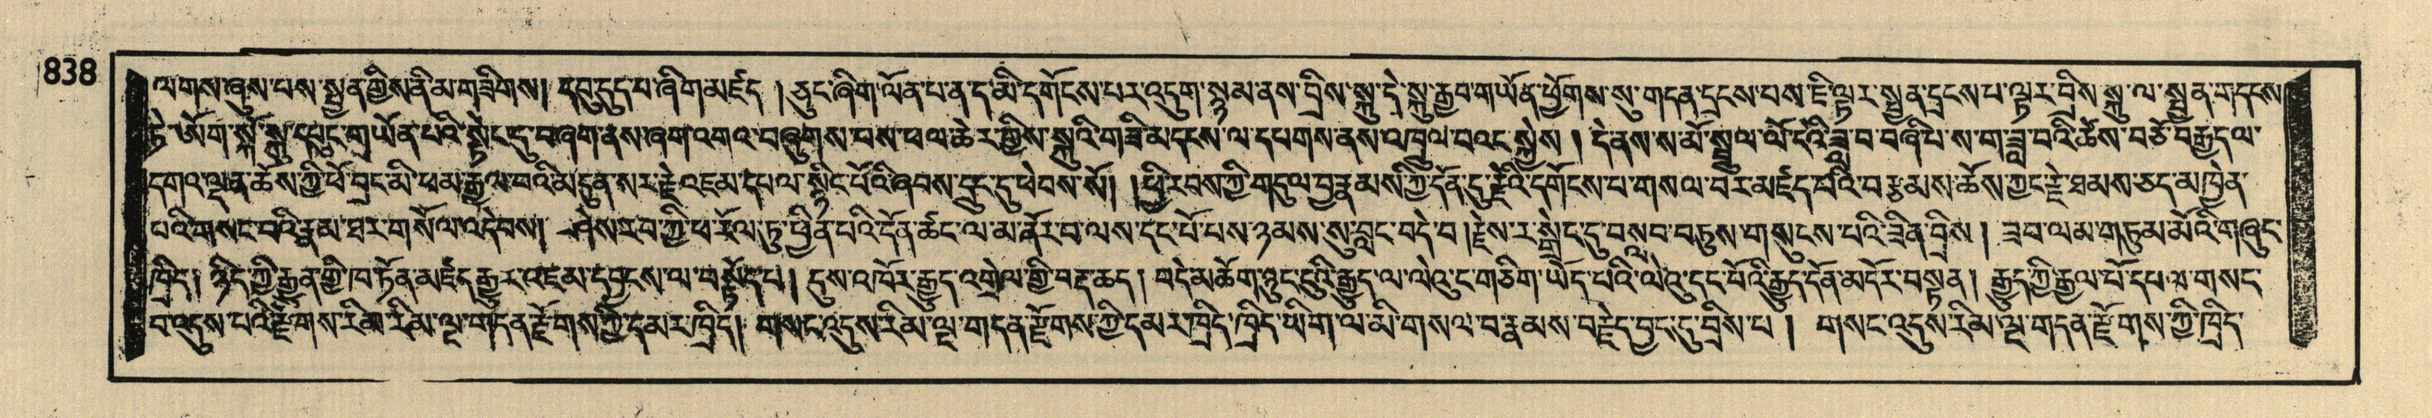ལགས་ཞུས་པས་སྤྱན་གྱིས་ནི་མ་གཟིགས། དབུ་དུད་པ་ཞིག་མཛད། ཅུང་ཞིག་ལོན་པ་ན་ད་མི་དགོངས་པར་འདུག་སྙམ་ནས་བྲིས་སྐུ་དེ་སྐུ་རྒྱབ་གཡོན་ཕྱོགས་སུ་གདན་དྲངས་པས་ཇི་ལྟར་སྤྱན་དྲངས་པ་ལྟར་བྲིས་སྐུ་ལ་སྤྱན་གདངས་
ཏེ་ཨོག་སྐོ་སྐུ་དཔུང་གཡོན་པའི་སྟེང་དུ་བཞག་ནས་ཞག་འགའ་བཞུགས་པས་ཕལ་ཆེར་གྱིས་སྐུའི་གཟི་མདངས་ལ་དཔགས་ནས་འཁྲུལ་བའང་སྐྱེས། དེ་ནས་ས་མོ་སྤྲུལ་ལོ་དེའི་ཟླ་བ་བཞི་པ་ས་ག་ཟླ་བའི་ཚེས་བཅོ་བརྒྱད་ལ་
དགའ་ལྡན་ཆོས་ཀྱི་ཕོ་བྲང་མི་ཕམ་རྒྱལ་བའི་མདུན་སར་རྗེ་འཇམ་དཔལ་སྙིང་པོའི་ཞབས་དྲུང་དུ་ཕེབས་སོ། །ཕྱི་རབས་ཀྱི་གདུལ་བྱ་རྣམས་ཀྱི་དོན་དུ་རྗེའི་དགོངས་པ་གསལ་བར་མཛད་པའི་བརྩམས་ཆོས་ཀྱང་རྗེ་ཐམས་ཅད་མཁྱེན་
པའི་གསང་བའི་རྣམ་ཐར་གསོལ་འདེབས། ཤེས་རབ་ཀྱི་ཕ་རོལ་ཏུ་ཕྱིན་པའི་དོན་ཚང་ལ་མ་ནོར་བ་ལས་དང་པོ་པས་ཉམས་སུ་བླང་བདེ་བ། རྗེས་ར་སྒྲེང་དུ་བསླབ་བཏུས་གསུངས་པའི་ཟིན་བྲིས། ཟབ་ལམ་གཏུམ་མོའི་གཞུང་
ཁྲིད༑ ཉིད་ཀྱི་རྒྱུན་གྱི་ཁ་ཏོན་མཛད་རྒྱུར་འཇམ་དབྱངས་ལ་བསྟོད་པ། དུས་འཁོར་རྒྱུད་འགྲེལ་གྱི་བརྡ་ཆད། བདེ་མཆོག་ཉུང་དུའི་རྒྱུད་ལ་ལེའུ་ང་གཅིག་ཡོད་པའི་ལེའུ་དང་པོའི་རྒྱུད་དོན་མདོར་བསྟན། རྒྱུད་ཀྱི་རྒྱལ་པོ་དཔལ་གསང་
བ་འདུས་པའི་རྫོགས་རིམ་རིམ་ལྔ་གདན་རྫོགས་ཀྱི་དམར་ཁྲིད། གསང་འདུས་རིམ་ལྔ་གདན་རྫོགས་ཀྱི་དམར་ཁྲིད་ཁྲིད་ཡིག་ལ་མི་གསལ་བ་རྣམས་བརྗེད་བྱང་དུ་བྲིས་པ། གསང་འདུས་རིམ་ལྔ་གདན་རྫོགས་ཀྱི་ཁྲིད་